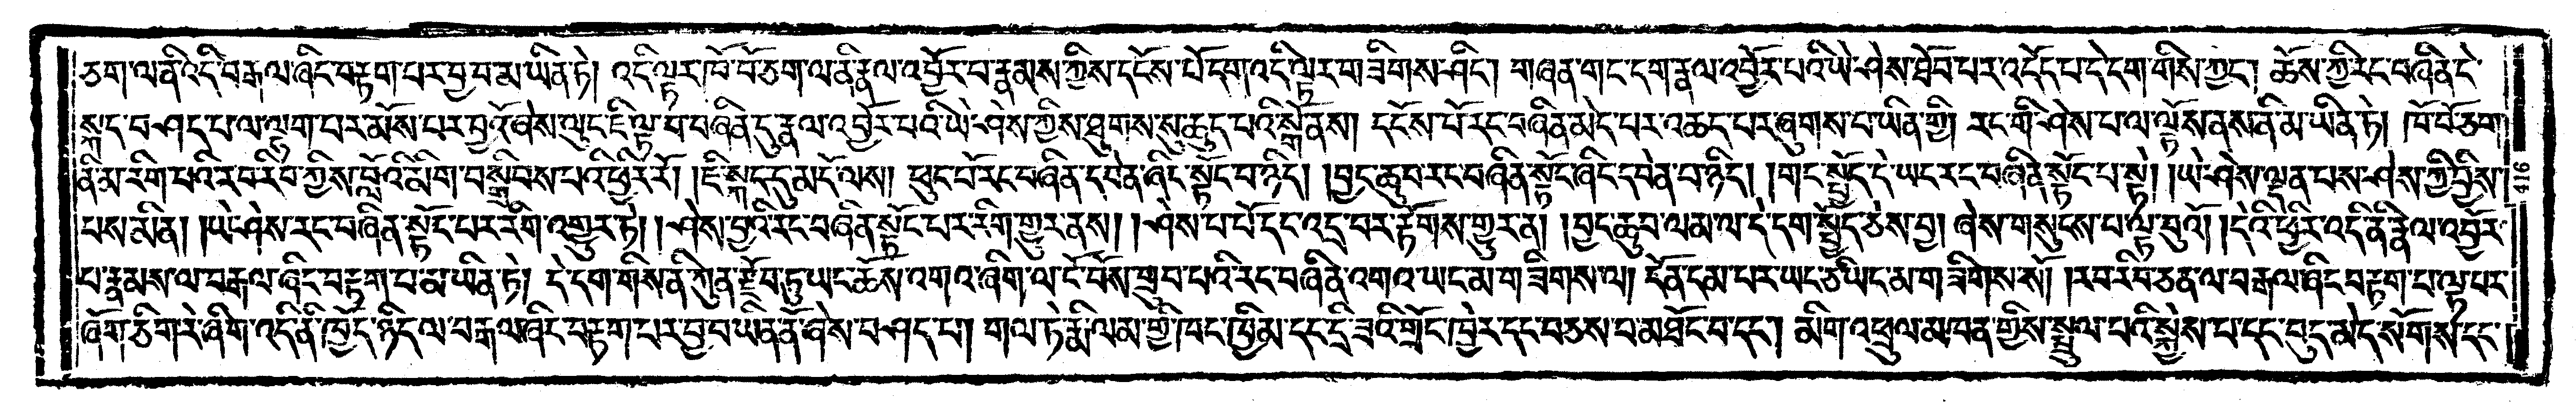ཅག་ལ་ནི་འདི་བརྒལ་ཞིང་བརྟག་པར་བྱ་བ་མ་ཡིན་ཏེ། འདི་ལྟར་ཁོ་བོ་ཅག་ལ་ནི་རྣལ་འབྱོར་པ་རྣམས་ཀྱིས་དངོས་པོ་དག་འདི་ལྟར་གཟིགས་ཤིང་། གཞན་གང་དག་རྣལ་འབྱོར་བའི་ཡེ་ཤེས་ཐོབ་པར་འདོད་པ་དེ་དག་གིས་ཀྱང་། ཆོས་ཀྱི་རང་བཞིན་དེ་
སྐད་བཤད་པ་ལ་ལྷག་པར་མོས་པར་བྱའོ་ཞེས་ལུང་ཇི་ལྟ་བ་བཞིན་དུ་རྣལ་འབྱོར་པའི་ཡེ་ཤེས་ཀྱིས་ཐུགས་སུ་ཆུད་པའི་སྒོ་ནས། དངོས་པོ་རང་བཞིན་མེད་པར་འཆད་པར་ཞུགས་པ་ཡིན་གྱི། རང་གི་ཤེས་པ་ལ་ལྟོས་ནས་ནི་མ་ཡིན་ཏེ། ཁོ་བོ་ཅག་
ནི་མ་རིག་པའི་རབ་རིབ་ཀྱིས་བློའི་མིག་བསྒྲིབས་པའི་ཕྱིར་རོ། །ཇི་སྐད་དུ་མདོ་ལས། ཕུང་པོ་རང་བཞིན་དབེན་ཞིང་སྟོང་པ་ཉིད། །བྱང་ཆུབ་རང་བཞིན་སྟོང་ཞིང་དབེན་པ་ཉིད། །གང་སྤྱོད་དེ་ཡང་རང་བཞིན་སྟོང་པ་སྟེ། །ཡེ་ཤེས་ལྡན་པས་ཤེས་ཀྱི་བྱིས་
པས་མིན། །ཡེ་ཤེས་རང་བཞིན་སྟོང་པར་རིག་འགྱུར་ཏེ། །ཤེས་བྱའི་རང་བཞིན་སྟོང་པར་རིག་གྱུར་ནས། །ཤེས་པ་པོ་དང་འདྲ་བར་རྟོགས་གྱུར་ན། །བྱང་ཆུབ་ལམ་ལ་དེ་དག་སྤྱོད་ཅེས་བྱ། ཞེས་གསུངས་པ་ལྟ་བུའོ། །དེའི་ཕྱིར་འདི་ནི་རྣལ་འབྱོར་
པ་རྣམས་ལ་བརྒལ་ཞིང་བརྟག་པ་མ་ཡིན་ཏེ། དེ་དག་གིས་ནི་ཀུན་རྫོབ་ཏུ་ཡང་ཆོས་འགའ་ཞིག་ལ་ངོ་བོས་གྲུབ་པའི་རང་བཞིན་འགའ་ཡང་མ་གཟིགས་ལ། དོན་དམ་པར་ཡང་ཅི་ཡང་མ་གཟིགས་སོ། །རབ་རིབ་ཅན་ལ་བརྒལ་ཞིང་བརྟག་པ་ལྟ་བར་
ཞོག་ཅིག་རེ་ཞིག་འདི་ནི་ཁྱོད་ཉིད་ལ་བརྒལ་ཞིང་བརྟག་པར་བྱ་བ་ཡིན་ནོ་ཞེས་བཤད་པ། གལ་ཏེ་རྨི་ལམ་གྱི་ཁང་ཁྱིམ་དང་དྲི་ཟའི་གྲོང་ཁྱེར་དང་བཅས་པ་མཐོང་བ་དང་། མིག་འཕྲུལ་མཁན་གྱིས་སྤྲུལ་པའི་སྐྱེས་པ་དང་བུད་མེད་སོགས་དང་།